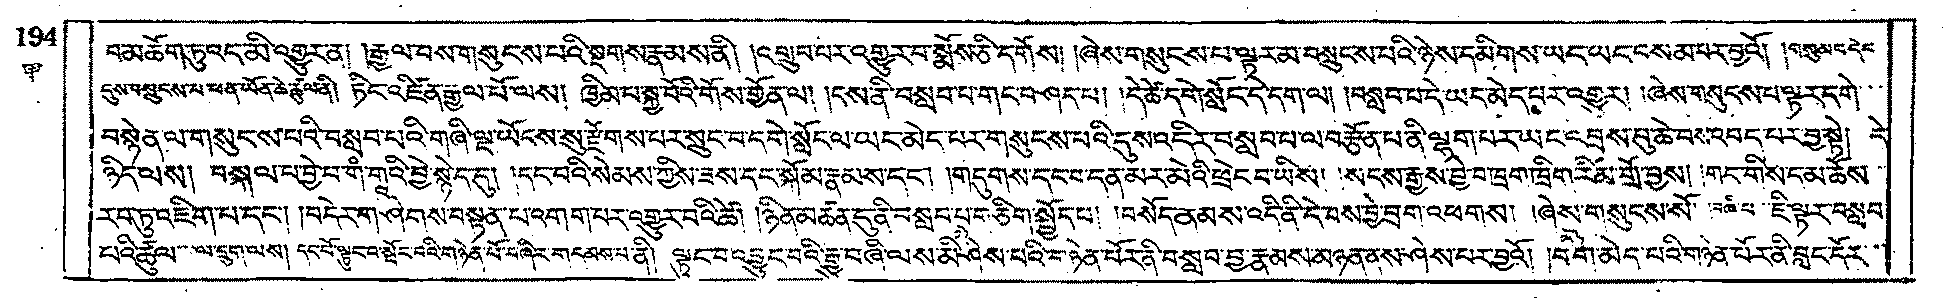བ་མཆོག་ཏུ་འང་མི་འགྱུར་ན། །རྒྱལ་བས་གསུངས་པའི་སྔགས་རྣམས་ནི། །འགྲུབ་པར་འགྱུར་བ་སྨོས་ཅི་དགོས། །ཞེས་གསུངས་པ་ལྟར་མ་བསྲུངས་པའི་ཉེས་དམིགས་ཡང་ཡང་བསམ་པར་བྱའོ། །གསུམ་པ་དེང་
དུས་བསྲུངས་པ་ཕན་ཡོན་ཆེ་ཚུལ་ནི། ཏིང་འཛིན་རྒྱལ་པོ་ལས། ཁྱིམ་པ་སྐྱ་པོའི་གོས་གྱོན་ལ། །དས་ནི་བསླབ་པ་གང་བཤད་པ། །དེ་ཚེ་དགེ་སློང་དེ་དག་ལ། །བསླབ་པ་དེ་ཡང་མེད་པར་འགྱུར། །ཞེས་གསུངས་པ་ལྟར་དགེ་
བསྙེན་ལ་གསུངས་པའི་བསླབ་པའི་གཞི་ལྔ་ཡོངས་སུ་རྫོགས་པར་སྲུང་བ་དགེ་སློང་ལ་ཡང་མེད་པར་གསུངས་པའི་དུས་འདིར་བསླབ་པ་ལ་བརྩོན་པ་ནི་ལྷག་པར་ཡང་འབྲས་བུ་ཆེ་བས་འབད་པར་བྱ་སྟེ། དེ་
ཉིད་ལས། བསྐལ་པ་བྱེ་པ་གཾ་གཱའི་བྱེ་སྙེད་དུ། །དང་པའི་སེམས་ཀྱིས་ཟས་དང་སྐོམ་རྣམས་དང་། །གདུགས་དང་བ་དན་མར་མེའི་ཕྲེང་བ་ཡིས། །སངས་རྒྱས་བྱེ་བ་ཁྲག་ཁྲིག་རིམ་གྲོ་བྱས། །གང་གིས་དམ་ཆོས་
རབ་ཏུ་འཇིག་པ་དང་། །བདེར་གཤེགས་བསྟན་པ་འགག་པར་འགྱུར་བའི་ཚེ། །ཉིན་མཚན་དུ་ནི་བསླབ་པ་གཅིག་སྤྱོད་པ། །བསོད་ནམས་འདི་ནི་དེ་བས་བྱེ་བྲག་འཕགས། །ཞེས་གསུངས་སོ། །བཞི་པ་ཇི་ལྟར་བསླབ་
པའི་ཚུལ་ལ་དྲུག་ལས། དང་པོ་ལྟུང་བ་སྤོང་བའི་གཉེན་པོ་བཞིར་གདམས་པ་ནི། ལྟུང་བ་འབྱུང་བའི་རྒྱུ་བཞི་ལས་མི་ཤེས་པའི་གཉེན་པོར་ནི་བསླབ་བྱ་རྣམས་མཉན་ནས་ཤེས་པར་བྱའོ། །བག་མེད་པའི་གཉེན་པོར་ནི་བླང་དོར་